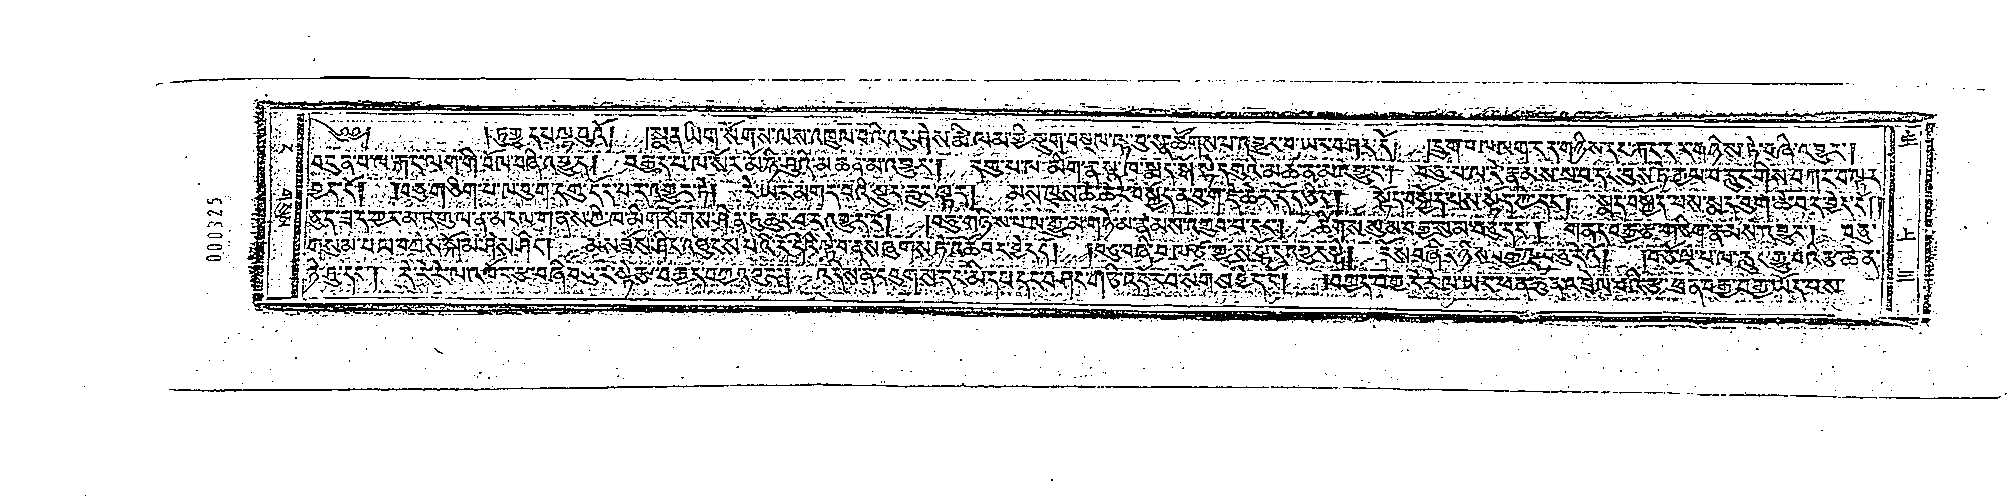༄༅། །ཏུ་གྱུར་པ་ལྟ་བུའོ། །སྨན་ཡིག་སོགས་ལས་འཁྲུལ་བའི་འདུ་ཤེས་རྨི་ལམ་གྱི་སྡུག་བསྔལ་ལྟ་བུ་སྣ་ཚོགས་པ་འབྱུང་བ་ཡང་བཤད་དོ། །དྲུག་པ་ལ་ལག་དར་གཉིས་དང་རྐང་དར་གཉིས་ཏེ་བཞི་འབྱུང་།
བདུན་པ་ལ་རྐང་ལག་གི་བོལ་བཞི་འབྱུད། བརྒྱད་པ་ལ་སོར་མོ་ཉི་ཤུའི་མཆན་མ་འབྱུང་། དགུ་པ་ལ་མིག་རྣ་སྣ་ཁ་སྨད་སྒོ་སྟེ་དགུའི་མཚན་མ་འབྱུང་། བཅུ་པ་ལ་དེ་རྣམས་སྲ་བ་དང་བུས་ཏེ་རྐྱལ་བ་རླུང་གིས་བཀང་བ་ལྟར་
བྱང་ངོ། །བཅུ་གཅིག་པ་ལ་བུ་ག་དགུ་དོད་པར་འགྱུར་ཏེ། དེ་ཡང་མགར་བའི་སྡུད་རླུང་ལྟར། མས་ལུས་ཆེ་ཆེར་བསྐྱོད་ན་བུ་ག་ཇེ་ཆེར་དོད་ཅིང་། སྟོད་བསྐྱོད་པས་སྟོང་ཀྱི་དང་། སྨད་བསྐྱོད་པས་སྨད་བུག་ཆེ་བར་བྱེད་དོ། །
ཅུང་ཟད་ཀྱང་མ་འགུལ་ན་མངལ་གནས་ཀྱི་ཁ་མིག་སོགས་ཤིན་ཏུ་ཆུད་བར་འགྱུར་རོ། །བཅུ་གཉིས་པ་ལ་རྒྱུ་མ་གཉེ་མ་རྣམས་འགྲུབ་པ་དང་། ཚིགས་སུམ་བརྒྱ་སུམ་བཅུ་དང་། གནད་བརྒྱ་རྩ་གཅིག་རྣམས་འབྱུང་། བཅུ་
གསུམ་པ་ལ་བཀྲེས་སྐོམ་ཤེས་ཤིང་། མས་ཟོས་ཤིང་འཐུངས་པའི་ངོ་དེའི་ལྟེ་བ་ནས་ཞུགས་ཏེ་འཚོ་བར་བྱེད་དོ། །བཅུ་བཞི་བ་ལ་ཙ་གྱུས་སྟོང་འབྱུང་སྟེ། ངོས་བཞིར་ཉིས་བརྒྱ་ལྔ་བཅུ་རེའོ། །བཅོ་ལྔ་པ་ལ་རླུང་རྒྱུ་བའི་རྩ་ཆེན་
ཉི་ཤུ་དང་། དེ་རེ་རེ་ལ་འཁོར་རྩ་བཞི་བཅུ་དེ་སྟེ་རྩ་བརྒྱད་བརྒྱ་འབྱུང་། འདིས་ནི་དབུགས་དང་མིད་པ་དང་བཤད་གཅི་འདོར་བ་སོགས་བྱེད་དོ། །བརྒྱད་བརྒྱ་རེ་རེ་ལ་ཡང་ཕན་ཚུན་འབྲེལ་བའི་རྩ་ཕྲན་བརྒྱ་བརྒྱ་ཡོད་པས་